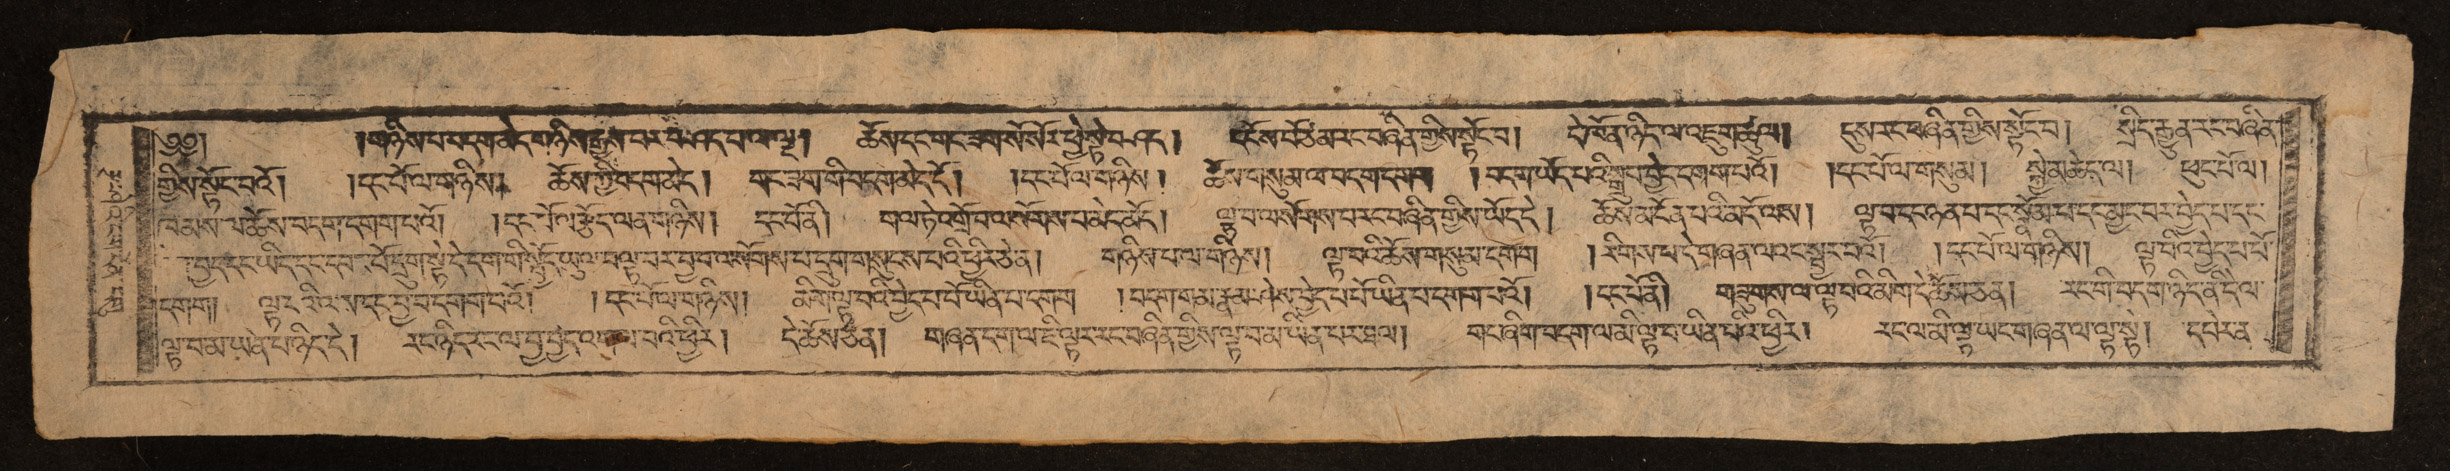༄༅། །གཉིས་པ་བདག་མེད་གཉིས་རྒྱས་པར་བཤད་པ་ལ་ལྔ། ཆོས་དང་གང་ཟག་སོ་སོར་ཕྱེ་སྟེ་བཤད། དངོས་པོ་ཙམ་རང་བཞིན་གྱིས་སྟོང་བ། དེ་ཁོ་ན་ཉིད་ལ་འཇུག་ཚུལ། དུས་རང་བཞིན་གྱིས་སྟོང་བ། སྲིད་རྒྱུན་རང་བཞིན་
གྱིས་སྟོང་བའོ། །དང་པོ་ལ་གཉིས། ཆོས་ཀྱི་བདག་མེད། གང་ཟག་གི་བདག་མེད་དོ། །དང་པོ་ལ་གཉིས། ཆོས་གསུམ་ལ་བདག་དགག །བདག་ཡོད་པའི་སྒྲུབ་བྱེད་དགག་པའོ། །དང་པོ་ལ་གསུམ། སྐྱེ་མཆེད་ལ། ཕུང་པོ་ལ།
ཁམས་ལ་ཆོས་བདག་དགག་པའོ། །དང་པོ་ལ་རྩོད་ལན་གཉིས། དང་པོ་ནི། གལ་ཏེ་འགྲོ་བ་ལ་སོགས་པ་མེད་མོད། ལྟ་པ་ལ་སོགས་པ་རང་བཞིན་གྱིས་ཡོད་དེ། ཆོས་མངོན་པའི་མདོ་ལས། ལྟ་བ་དང་ཉན་པ་དང་སྣོམ་པ་དང་མྱང་བར་བྱེད་པ་དང་
རེག་བྱེད་དང་ཡིད་དང་དབང་པོ་དྲུག་སྟེ་དེ་དག་གི་སྤྱོད་ཡུལ་བལྟ་བར་བྱ་བ་ལ་སོགས་པ་དྲུག་གསུངས་པའི་ཕྱིར་ཅེ་ན། གཉིས་པ་ལ་གཉིས། ལྟ་བའི་ཆོས་གསུམ་དགག །རིགས་པ་དེ་གཞན་ལའང་སྦྱར་བའོ། །དང་པོ་ལ་གཉིས། ལྟ་བའི་བྱེད་པ་པོ་
དགག། ལྟ་བའི་ལས་དང་བྱ་བ་དགག་པའོ། །དང་པོ་ལ་གཉིས། མིག་ལྟ་བའི་བྱེད་པ་པོ་ཡིན་པ་དགག །བདག་གམ་རྣམ་ཤེས་བྱེད་པ་པོ་ཡིན་པ་དགག་པའོ། །དང་པོ་ནི། གཟུགས་ལ་ལྟ་བའི་མིག་དེ་ཆོས་ཅན། རང་གི་བདག་ཉིད་ནི་དེ་ལ་
ལྟ་བ་མ་ཡིན་པ་ཉིད་དེ། རང་ཉིད་རང་ལ་བྱ་བྱེད་འགལ་བའི་ཕྱིར། དེ་ཆོས་ཅན། གཞན་དག་ལ་ཇི་ལྟར་རང་བཞིན་གྱིས་ལྟ་བ་མ་ཡིན་པར་ཐལ། གང་ཞིག་བདག་ལ་མི་ལྟ་བ་ཡིན་པའི་ཕྱིར། རང་ལ་མི་ལྟ་ཡང་གཞན་ལ་ལྟ་སྟེ། དཔེར་ན་